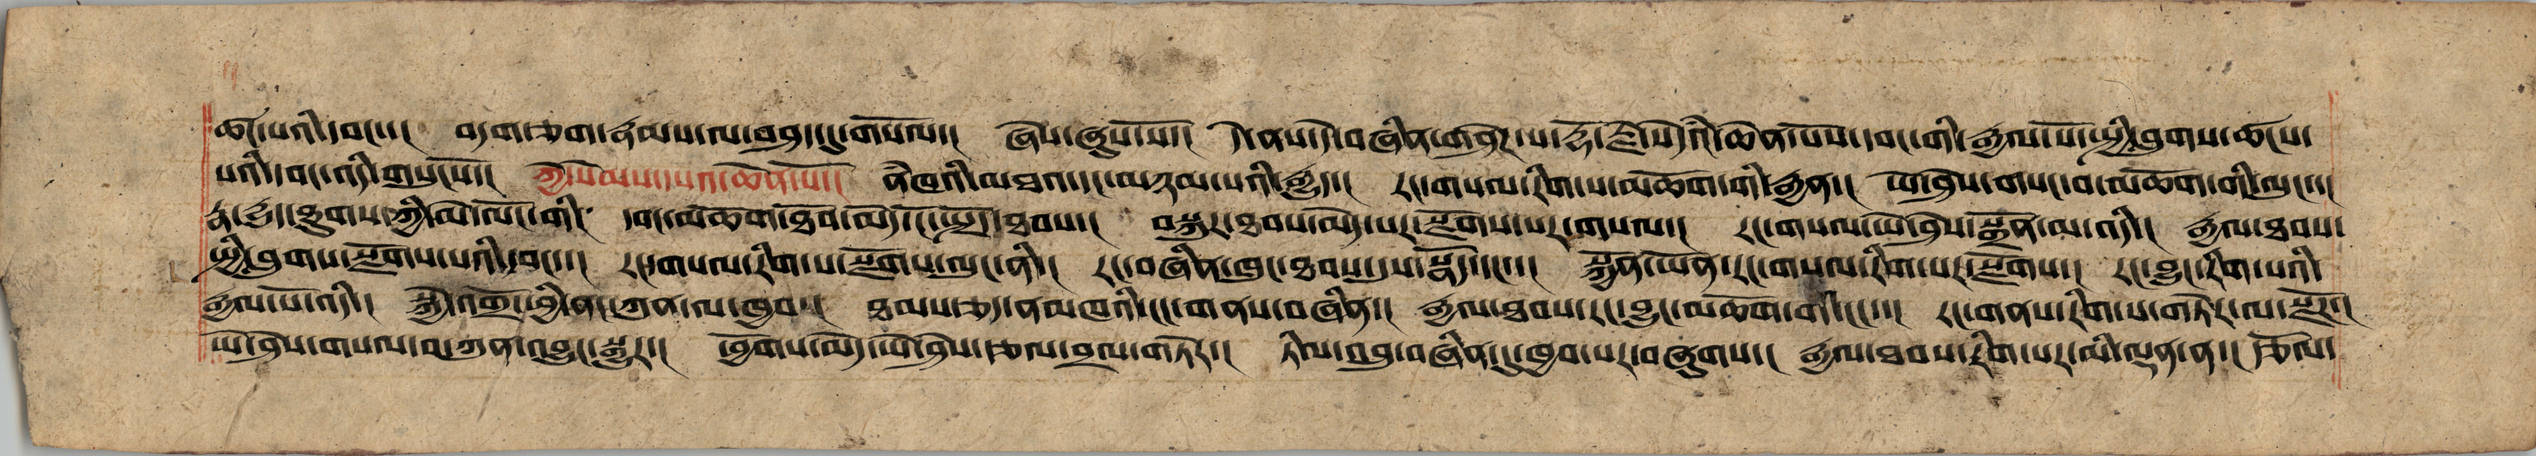ཚང་པའི་དབང་་། བདག་ཅག་རྣམས་ལ་བཤད་དུ་གསོལ་། ཞེས་ཞུས་སོ་། དེ་ནས་དེ་བཞིན་གཤེཌ་པ་རྡོ་རྗེ་སེདཾའ་ཆེན་པོས་དབང་གི་རྒྱལ་པོ་སྤྱི་བླུགས་ཚངས་
པའི་དབང་འདི་གསུངསོ་། ཀྱེ་སེམས་དཔའ་ཆེན་པོ་། ནཾཁའི་མཐའ་དང་མཉམ་པའི་རྒྱུད་། རང་གསལ་་རིག་པ་མཆོག་གི་རྒྱན་། ཡེ་ཤེས་གསང་བ་མཆོག་གི་ལུང་་།
རྣ་དྱུད་ཐུགས་ཀྱི་མེ་ལོང་གི། དབང་མཆོག་ཐོབ་མོད་ངོ་སྤྲོད་ཐབས་། བསྐུར་ཐབས་མེད་པར་སྫོགས་པར་གསལ་། རང་གསལ་ཡེ་ཤེས་སྒྲོན་མ་འདི་། རྒྱལ་ཐབས་
སྤྱི་བླུགས་སྫོགས་པའི་དབང་་། རང་གསལ་རིག་པ་སྫོགས་ལུང་ནི་། རང་བཞིན་ཁུང་ཐབས་དུས་སྣོད་དང་་། སྐྱོན་ཡོན་རང་གསལ་རིག་པར་སྫོགས་། རང་བྱུང་རིག་པའི་
རྒྱལ་པོ་འདི་། སྐྱེ་འགྲོ་ཕྱི་ནང་ཀུན་ལ་ཁྱབ་། ཐམས་ཅད་ནམཁའི་ངང་གནས་བཞིན་། རྒྱལ་ཐབས་རང་བྱུང་མཆོག་གི་ངང་་། རང་གནས་རིག་པ་གཏེར་ལ་སྫོཌ་།
ཡེ་ཤེས་གསལ་བ་ཀུན་འབྱུང་སྒྱུར་། ཕྱོགས་མེད་ཡེ་ཤེས་རྩལ་བྲལ་གཏེར་། ཏིལ་འབྲུ་བཞིན་དུ་ཁྱབ་པར་བཞུགས་། རྒྱལ་ཐབས་རིག་པར་མི་ལྡན་ན་། རྩོལ་